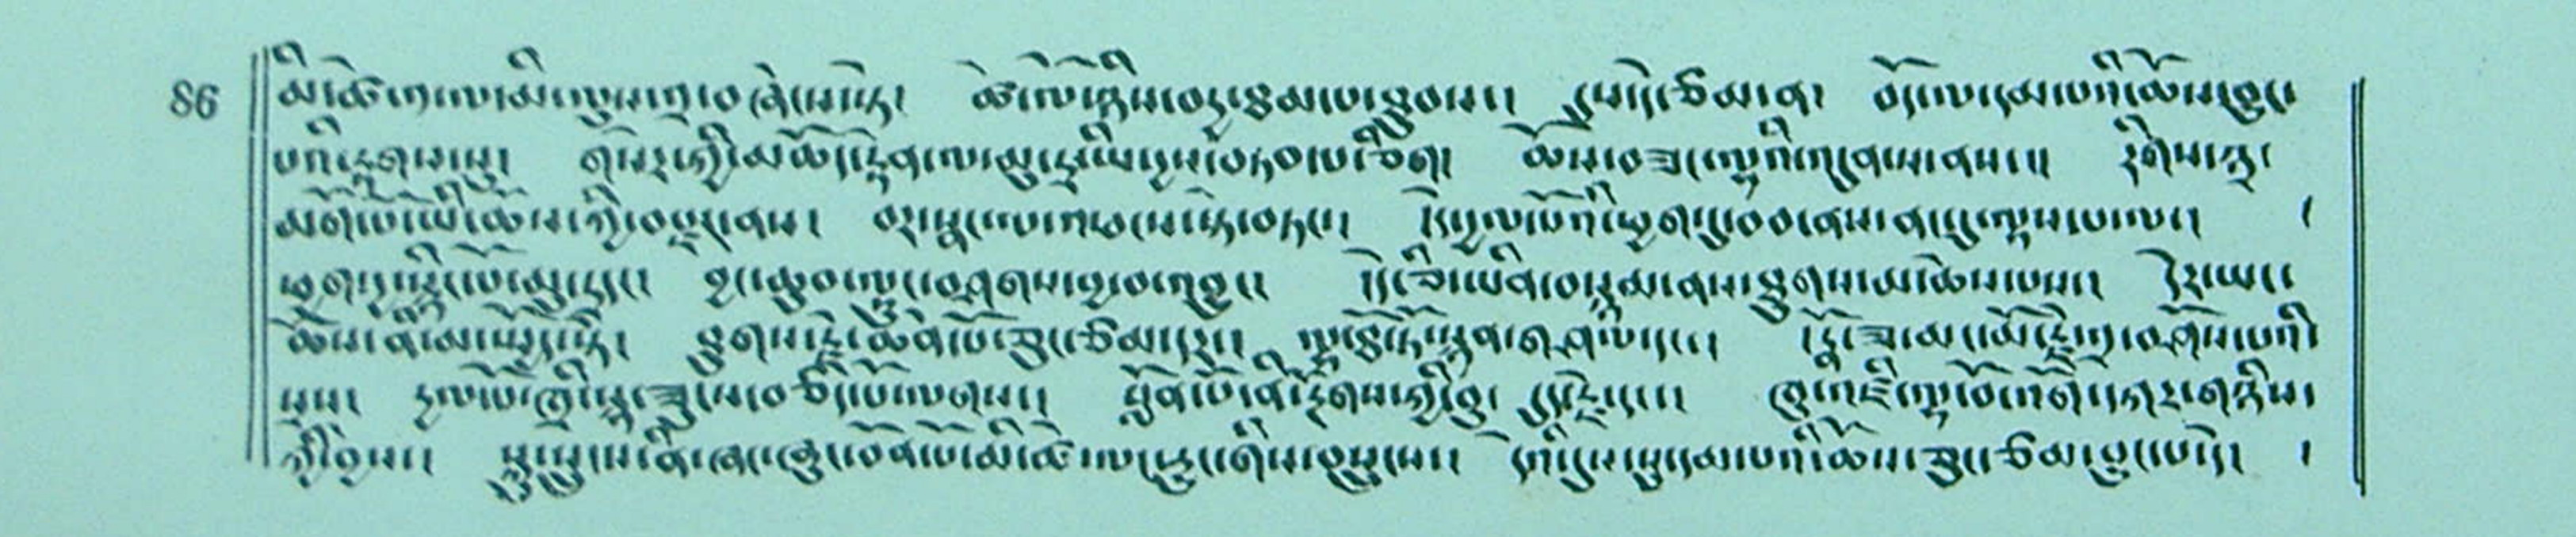མི་ཚེ་གཅིག་ལ་མི་ལུས་གཉིས་བཞེངས་ཏེ། ཚེ་ལོ་ཉིས་བརྒྱ་ཐམ་པ་ཐུབས། དུས་དེ་ཙམ་ན། བོད་ལ་དམ་པའི་ཆོས་འབྱུང་
བའི་རྟགས་སུ། གསེར་གྱི་མཆོད་རྟེན་ལ་མུ་དྲ་ཡི་རྒྱས་བཏབ་པ་ཅིག། ཆོས་བཟང་ལྷའི་མདུན་ས་ནས། རིགས་གསུམ་
མགོན་པོ་ཡི་ཆོས་ཀྱི་སྦྱངས་ནས། བར་སྣང་ལ་འཕངས་ཏེ་བཏང་། ངེད་རྒྱལ་བོའི་ཕྱག་ཏུ་བབ་ནས་ནང་དུ་བལྟས་པ་ལ། 
ཕྱག་རྒྱ་སྙིང་པོ་མུ་དྲདང་། བྱང་ཆུབ་ལྷུང་བཤགས་བྱ་བ་འབྱུང་། ངེད་ཅི་ཡིན་སྙམ་ནས་ཐུགས་མ་ཆེས་པས། དེར་ཡང་
ཆོས་ནི་མ་སྤྱོད་དེ། ཐུགས་རྗེ་ཆེན་པོ་ཅུང་ཙམ་དར། ལྷ་ཐོ་ཏོ་སྙན་གཤལ་དང་། རྣོ་ཟ་མང་མོ་རྗེ་གཉིས་བཤོས་པའི་
སྲས། རྒྱལ་བོ་ཁྲི་སྙ་ཟུངས་བཙན་པོ་ལགས། བློན་པོ་ནི་རྔོགས་ཀྱི་བུ་དུད་རྗེ་དང་། ཁུ་འཛི་ལྷ་བོ་འོག་དཀར་གཉིས་
ཀྱི་བྱས། སྐུ་བསྲུངས་ནི་ཞང་ཞུང་བོན་པོ་མི་ཚེ་ལང་རྒྱུང་གིས་བསྲུངས། དེའི་དུས་སུ་དམ་པའི་ཆོས་ཅུང་ཙམ་བྱུང་བ་དེ།